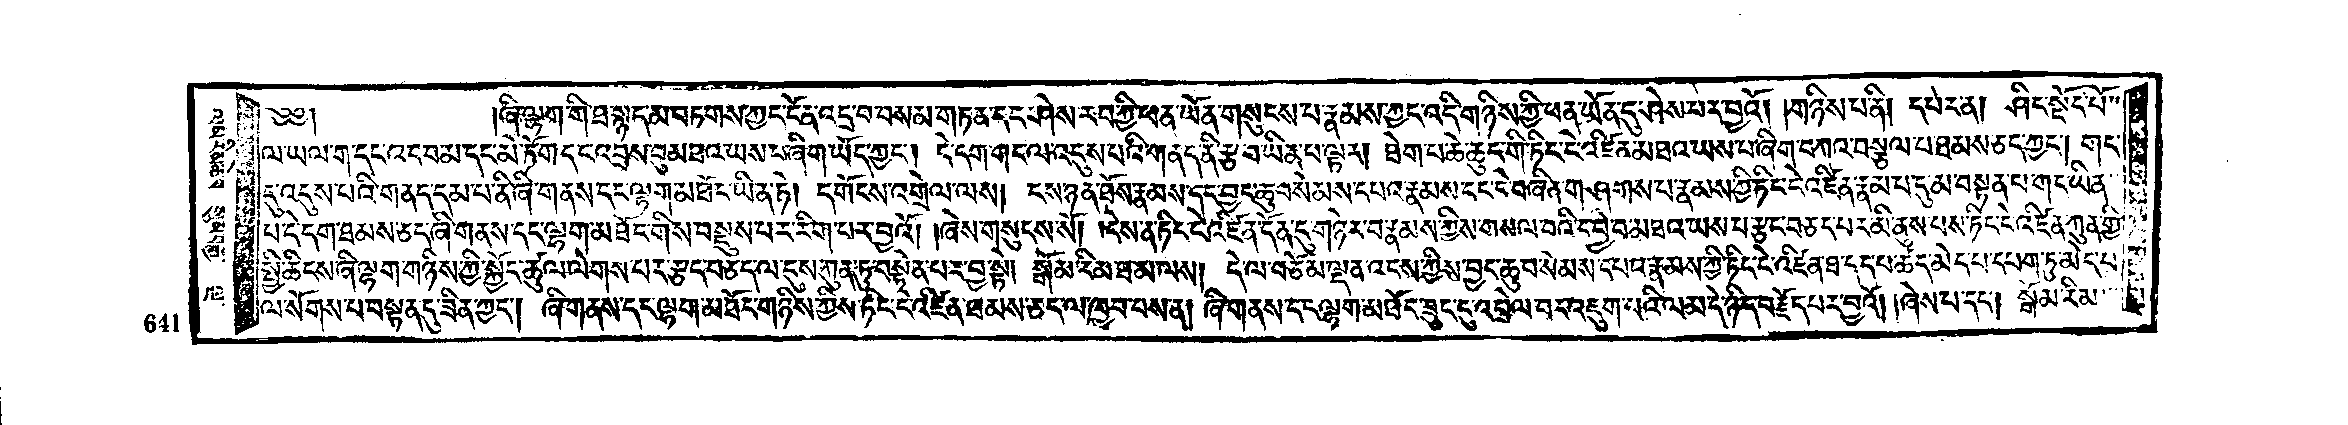༄༅། །ཞི་ལྷག་གི་ཐ་སྙད་མ་བཏགས་ཀྱང་དོན་འདྲ་བ་བསམ་གཏན་དང་ཤེས་རབ་ཀྱི་ཕན་ཡོན་གསུངས་པ་རྣམས་ཀྱང་འདི་གཉིས་ཀྱི་ཕན་ཡོན་དུ་ཤེས་པར་བྱའོ། །གཉིས་པ་ནི། དཔེར་ན། ཤིང་སྡོང་པོ་
ལ་ཡལ་ག་དང་འདབ་མ་དང་མེ་ཏོག་དང་འབྲས་བུ་མཐའ་ཡས་པ་ཞིག་ཡོད་ཀྱང་། དེ་དག་གང་ལ་འདུས་པའི་གནད་ནི་རྩ་བ་ཡིན་པ་ལྟར། ཐེག་པ་ཆེ་ཆུང་གི་ཏིང་ངེ་འཛིན་མཐའ་ཡས་པ་ཞིག་བཀའ་བསྩལ་པ་ཐམས་ཅད་ཀྱང་། གང་
དུ་འདུས་པའི་གནད་དམ་པ་ནི་ཞི་གནས་དང་ལྷག་མཐོང་ཡིན་ཏེ། དགོངས་འགྲེལ་ལས། ངས་ཉན་ཐོས་རྣམས་དང་བྱང་ཆུབ་སེམས་དཔའ་རྣམས་དང་དེ་བཞིན་གཤེགས་པ་རྣམས་ཀྱི་ཏིང་ངེ་འཛིན་རྣམ་པ་དུ་མ་བསྟན་པ་གང་ཡིན་
པ་དེ་དག་ཐམས་ཅད་ཞི་གནས་དང་ལྷག་མཐོང་གིས་བསྡུས་པར་རིག་པར་བྱའོ། །ཞེས་གསུངས་སོ། །དེས་ན་ཏིང་ངེ་འཛིན་དོན་དུ་གཉེར་བ་རྣམས་ཀྱིས་གསལ་བའི་དབྱེ་བ་མཐའ་ཡས་པ་རྩད་བཅད་པར་མི་ནུས་པས་ཏིང་ངེ་འཛིན་ཀུན་གྱི་
སྤྱི་ཆིངས་ཞི་ལྷག་གཉིས་ཀྱི་སྐྱོང་ཚུལ་ལེགས་པར་རྩད་བཅད་ལ་དུས་ཀུན་ཏུ་བསྟེན་པར་བྱ་སྟེ། སྒོམ་རིམ་ཐ་མ་ལས། དེ་ལ་བཅོམ་ལྡན་འདས་ཀྱིས་བྱང་ཆུབ་སེམས་དཔའ་རྣམས་ཀྱི་ཏིང་ངེ་འཛིན་ཐ་དད་པ་ཚད་མེད་པ་དཔག་ཏུ་མེད་པ་
ལ་སོགས་པ་བསྟན་དུ་ཟིན་ཀྱང་། ཞི་གནས་དང་ལྷག་མཐོང་གཉིས་ཀྱིས་ཏིང་ངེ་འཛིན་ཐམས་ཅད་ལ་ཁྱབ་པས་ན། ཞི་གནས་དང་ལྷག་མཐོང་ཟུང་དུ་འབྲེལ་བར་འཇུག་པའི་ལམ་དེ་ཉིད་བརྗོད་པར་བྱའོ། །ཞེས་པ་དང་། སྒོམ་རིམ་